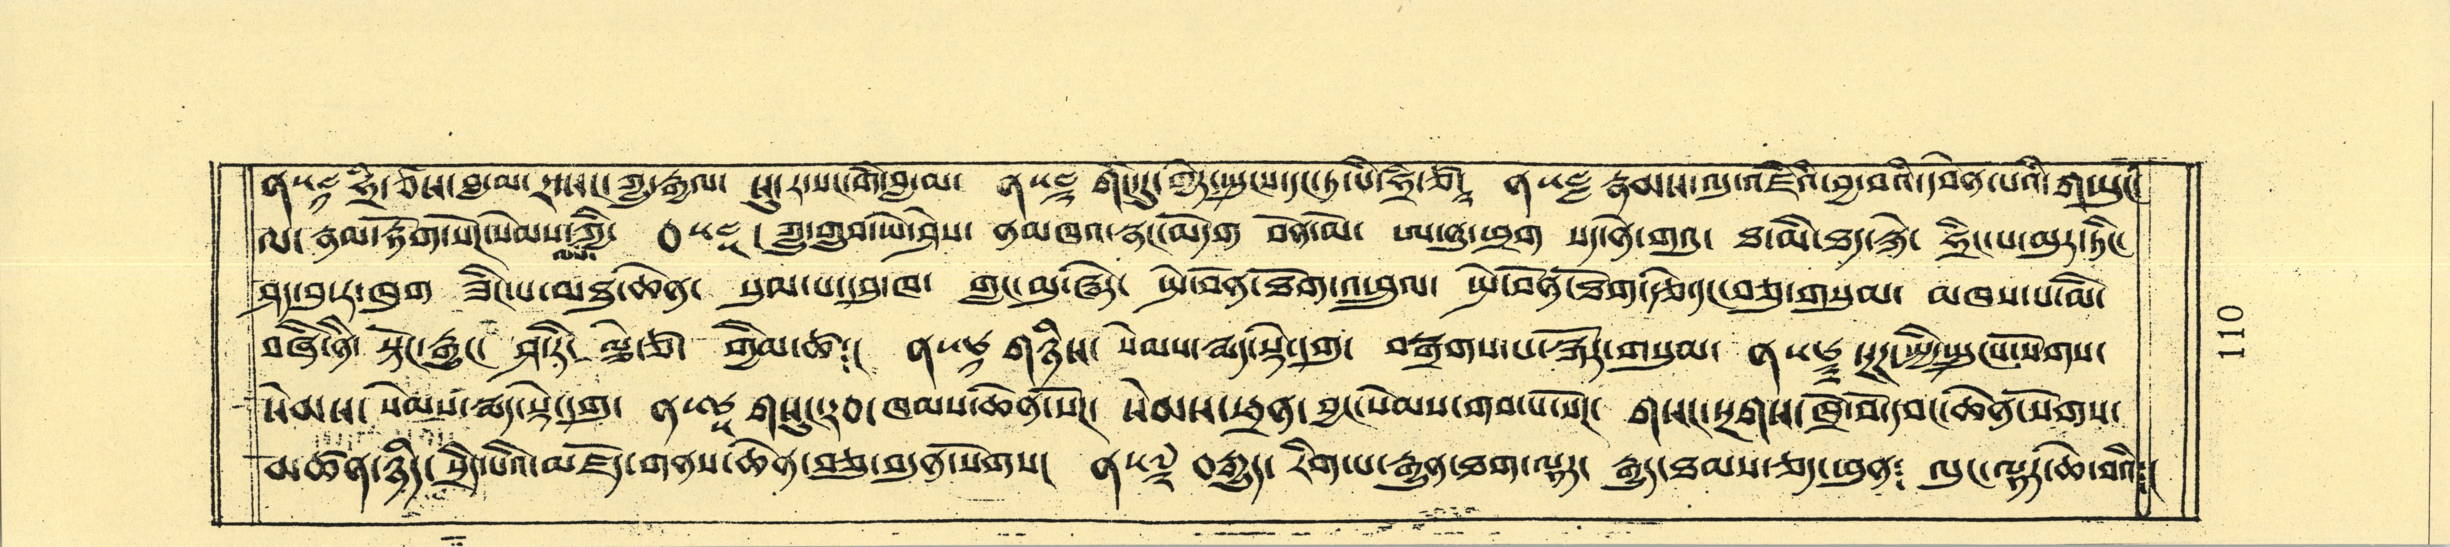ན༥༤།༡༼ཧྲི་ཙས༽བླ་མ་༼ར་སངས་༽ཀླུ་རྒྱལ་༼སུ༽ར་སང་གི་བླ་མ་ན༥༤།༢ གང་དུ་གྱེར་སྤུངས་དང་ཏ་པི་ཧྲི་ཙ་༢ ན༥༤།༤ ༼རྣམས༽འདུ་འཛིའི་བྱ་བའི་དབེན་པའི་ གཡུང་
ལ་ རྣམ་རྟོག་སོགས་སེམས་ལས་ཀྱི་ བ༥༤།༥ ཀླུ་གྲུབ་ཡེ་ཤེས་ ནམ་མཁའ་སྣང་མདོག་ བོན་མོ་ ཨ་ནུ་འཕྲག་ ཐག་སད་ནེ་གའུ་ཐ་མི་ཐད་སྐེ་ ཧྲི་པ་མུར་ཏིང་
ཤད་པུ་ར་ཁུག་ ཟིང་པ་མཐུ་ཆེན་ སུམ་པ་དབུ་ཁ་ གླང་མུ་ཝེར་ སྤེ་བོན་ཐོག་འཕྲུལ་ སྤེ་བོན་ཐོག་རྩེ་དང་བཅུ་གསུམ་ མཁས་པ་མི་
བཞི་ནི་ སྟོང་རྒྱུང་ ཤ་རི་ ལྕེ་ཚ་ གྱིམ་ཚ་ ན༥༦།༡༼གཉིས༽སེམས་སྨད་སྡེ་དགུ་ བསྒྲགས་པ་སྐོར་གསུམ་ ན༥༦།༣༼སྔགས༽སྤྱི་སྤུངས་སོགས་
༼སེམས༽སེམས་སྨད་སྡེ་དགུ་ན༥༦།༥༼གསུང་རབ༽ཁམས་ཆེན་སོགས་༼སེམས་ཕྲན༽བྱང་སེམས་གབ་པ་སོགས་༼གསང་སྔགས༽ཁྲོ་བོ་དབང་ཆེན་སོགས་
༼མཚན་ཉིད༽སྲིད་པའི་མཛོད་གནས་ཆེན་བཅུ་བདུན་སོགས་ན༥༧།༢༼བརྒྱུད༽རིག་པ་རྒྱུན་ཐག་ལྟར་རྒྱུད་ཐམས་ཅད་ཕུན༑ ལུང་ལྟར་ཆེ་བའི༑